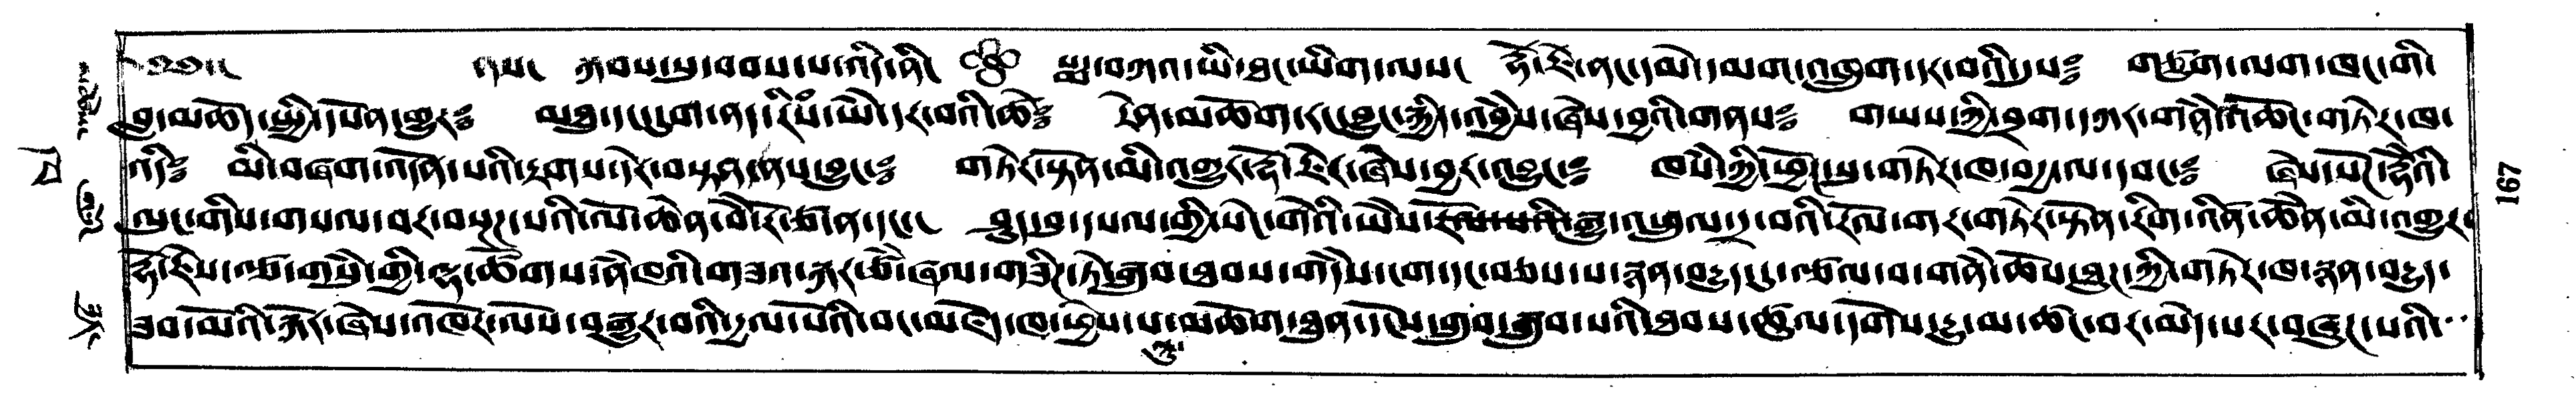ནས། སྐབས་སུ་བབ་པ་འདི་ནི། པདྨ་བཀའ་ཡི་ཐང་ཡིག་ལས། རྡོ་རྗེ་ནང་དམེ་དམག་འཁྲུག་དར་བའི་དུས༔ གཙུག་ལག་ཁང་གི་
བླ་མཆོད་སྤྱི་དཔོན་གྱུར༔ །མཐུ་དང་དུག་ནད་རིམས་ཡམས་དར་བའི་ཚེ༔ རྟེན་མཆོག་རང་བྱུང་སྐྱིད་འབྱམས་ཞེས་བྱའི་གནས༔ གཡས་ཀྱི་བྲག་དཀར་གནམ་འཆོང་གཏེར་ཁ་
འདི༔ མི་བཞག་འདོན་པའི་རྟགས་དེར་བསྟན་ནས་བྱུང༔ གཏེར་སྟོན་མི་འགྱུར་རྡོ་རྗེ་ཞེས་བྱར་འབྱུང༔ ཁམས་ཀྱི་ཕྱོགས་སུ་གཏེར་ཁ་བརྒྱ་ལ་དབང༔ ཞེས་སོགས་རྡོ་རྗེའི་
ལུང་གིས་གསལ་བར་བསྔགས་པའི་ལོ་ཆེན་བཻ་རོ་ཙ་ན་དང་། ཤུད་བུ་དཔལ་གྱི་སེང་གེའི་ཡེ་ཤེས་སྒྱུ་འཕྲུལ་དྲྭ་བའི་རོལ་གར་གཏེར་སྟོན་རིག་འཛིན་ཆེན་པོ་མི་འགྱུར་
རྡོ་རྗེར་རྩ་གསུམ་གྱི་ལྷ་ཚོགས་ནམ་མཁའི་གཟའ་སྐར་ཙམ་ཞལ་གཟིགས་ཏེ་སྒྲུབ་ཐབས་གདམས་ངག་དང་བཅས་པ་སྙན་བརྒྱུད་དུ་བསྩལ་བ་གནམ་ཆོས་ཐུགས་ཀྱི་གཏེར་ཁ་སྙན་བརྒྱུད་
ཟབ་མོའི་སྐོར་ཞེས་འཁོར་ལོས་བསྒྱུར་བའི་རྒྱལ་པོའི་བང་མཛོད་ཁ་ཕྱེས་པ་ལྟ་བུ་མཆོག་ཐུན་དངོས་གྲུབ་སྒྲུབ་པའི་ཐབས་ཚུལ་དགོས་རྒྱུ་མ་ཚང་བར་མེད་པར་བཞུགས་པའི་